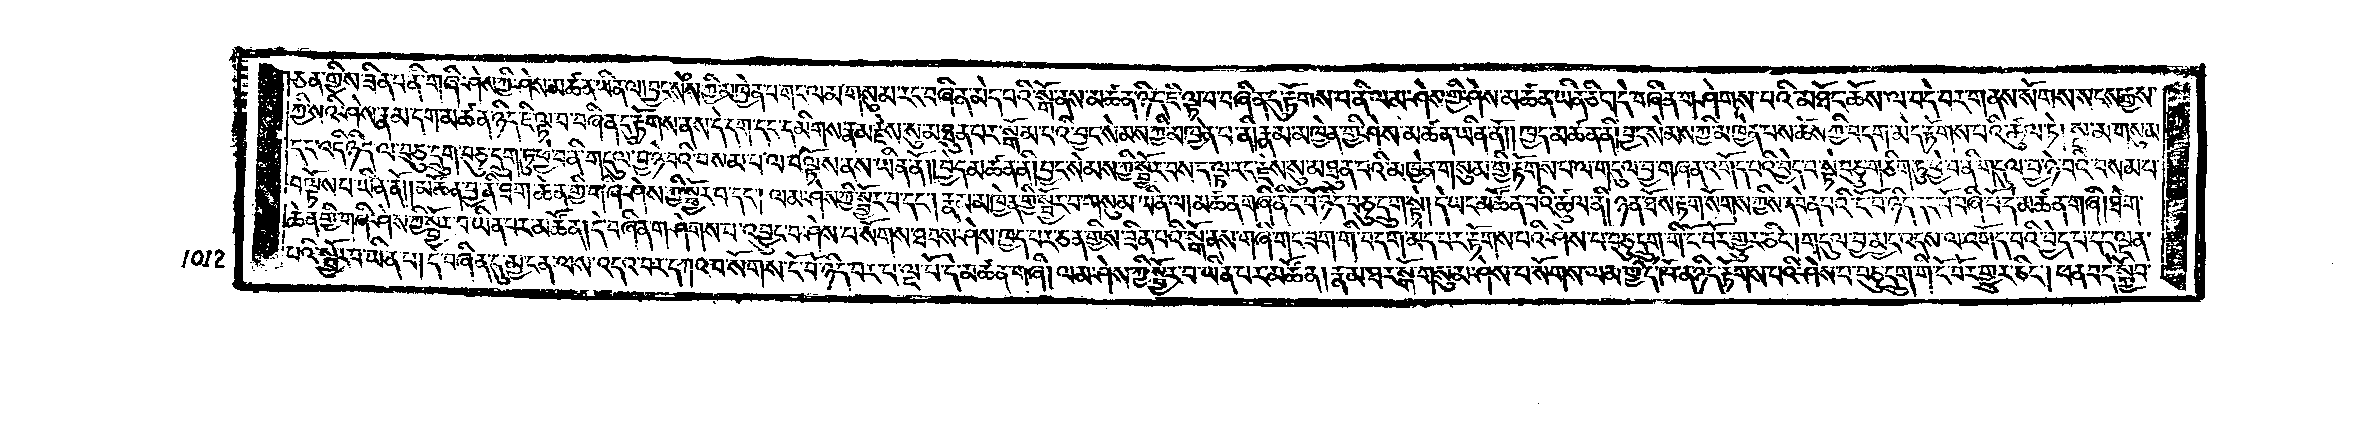ཅན་གྱིས་ཟིན་པ་ནི་གཞི་ཤེས་ཀྱི་ཤེས་མཚན་ཡིན་ལ། བྱང་སེམས་ཀྱི་མཁྱེན་པ་གང་ལམ་གསུམ་རང་བཞིན་མེད་པའི་སྒོ་ནས་མཚན་ཉིད་ཇི་ལྟ་བ་བཞིན་དུ་རྟོགས་པ་ནི་ལམ་ཤེས་གྱི་ཤེས་མཚན་ཡིན་ཅིང་། དེ་བཞིན་གཤེགས་པའི་མཐོང་ཆོས་ལ་བདེ་བར་གནས་སོགས་སངས་རྒྱས་
ཀྱི་སའི་ཤེས་རྣམ་དག་མཚན་ཉིད་ཇི་ལྟ་བ་བཞིན་དུ་རྟོགས་ནས་དེ་དག་དང་དམིགས་རྣམ་རྗེས་སུ་མཐུན་པར་སྒོམ་པའི་བྱང་སེམས་ཀྱི་མཁྱེན་པ་ནི། རྣམ་མཁྱེན་གྱི་ཤེས་མཚན་ཡིན་ནོ། །ཁྱད་མཚན་ནི། བྱང་སེམས་ཀྱི་མཁྱེན་པས་ཆོས་ཀྱི་བདག་མེད་རྟོགས་པའི་ཚུལ་ཏེ། སྔ་མ་གསུམ་
དང་འདི་ཉིད་ལ་བཅུ་དྲུག་བཅུ་དྲུག་ཏུ་ཕྱེ་བ་ནི་གདུལ་བྱ་ཉེ་བའི་བསམ་པ་ལ་བལྟོས་ནས་ཡིན་ནོ། །བྱེད་མཚན་ནི། བྱང་སེམས་ཀྱི་སྦྱོར་བས་ད་ལྟ་རང་རྗེས་སུ་མཐུན་པའི་མཁྱེན་གསུམ་གྱི་རྟོགས་པ་ལ་གདུལ་བྱ་གཞན་འགོད་པའི་བྱེད་པ་སྟེ་བཅུ་གཅིག་ཏུ་ཕྱེ་བ་ནི་གདུལ་བྱ་ཉེ་བའི་བསམ་པ་
བལྟོས་པ་ཡིན་ནོ། །མཚོན་བྱ་ནི་ཐེག་ཆེན་གྱི་གཞི་ཤེས་ཀྱི་སྦྱོར་བ་དང་། ལམ་ཤེས་ཀྱི་སྦྱོར་བ་དང་། རྣམ་མཁྱེན་གྱི་སྦྱོར་བ་གསུམ་ཡིན་ལ། མཚན་གཞི་ནི་ངོ་བོ་ཉིད་བཅུ་དྲུག་སྟེ། དེ་ཡང་མཚོན་པའི་ཚུལ་ནི། ཉན་ཐོས་རྟག་སོགས་ཀྱིས་དབེན་པའི་ངོ་བོ་ཉིད་དང་པོ་བཞི་པོ་དེ་མཚན་གཞི། ཐེག་
ཆེན་གྱི་གཞི་ཤེས་ཀྱི་སྦྱོར་བ་ཡིན་པར་མཚོན། དེ་བཞིན་གཤེགས་པ་འབྱུང་བ་ཤེས་པ་སོགས་ཐབས་ཤེས་ཁྱད་པར་ཅན་གྱིས་ཟིན་པའི་སྒོ་ནས་གཞི་གང་ཟག་གི་བདག་མེད་པར་རྟོགས་པའི་ཤེས་པ་བཅུ་དྲུག་གི་ངོ་བོར་གྱུར་ཅིང་། གདུལ་བྱ་མྱང་འདས་ལ་འགོད་པའི་བྱེད་པ་དང་ལྡན་
པའི་སྦྱོར་བ་ཡིན་པ། དེ་བཞིན་དུ་མྱ་ངན་ལས་འདའ་བར་དཀའ་བ་སོགས་ངོ་བོ་ཉིད་བར་པ་ལྔ་པོ་དེ་མཚན་གཞི། ལམ་ཤེས་ཀྱི་སྦྱོར་བ་ཡིན་པར་མཚོན། རྣམ་ཐར་སྒོ་གསུམ་ཤེས་པ་སོགས་ལམ་གྱི་དེ་ཁོ་ན་ཉིད་རྟོགས་པའི་ཤེས་པ་བཅུ་དྲུག་གི་ངོ་བོར་གྱུར་ཅིང་། ཕན་བདེ་སྐྱོབ་